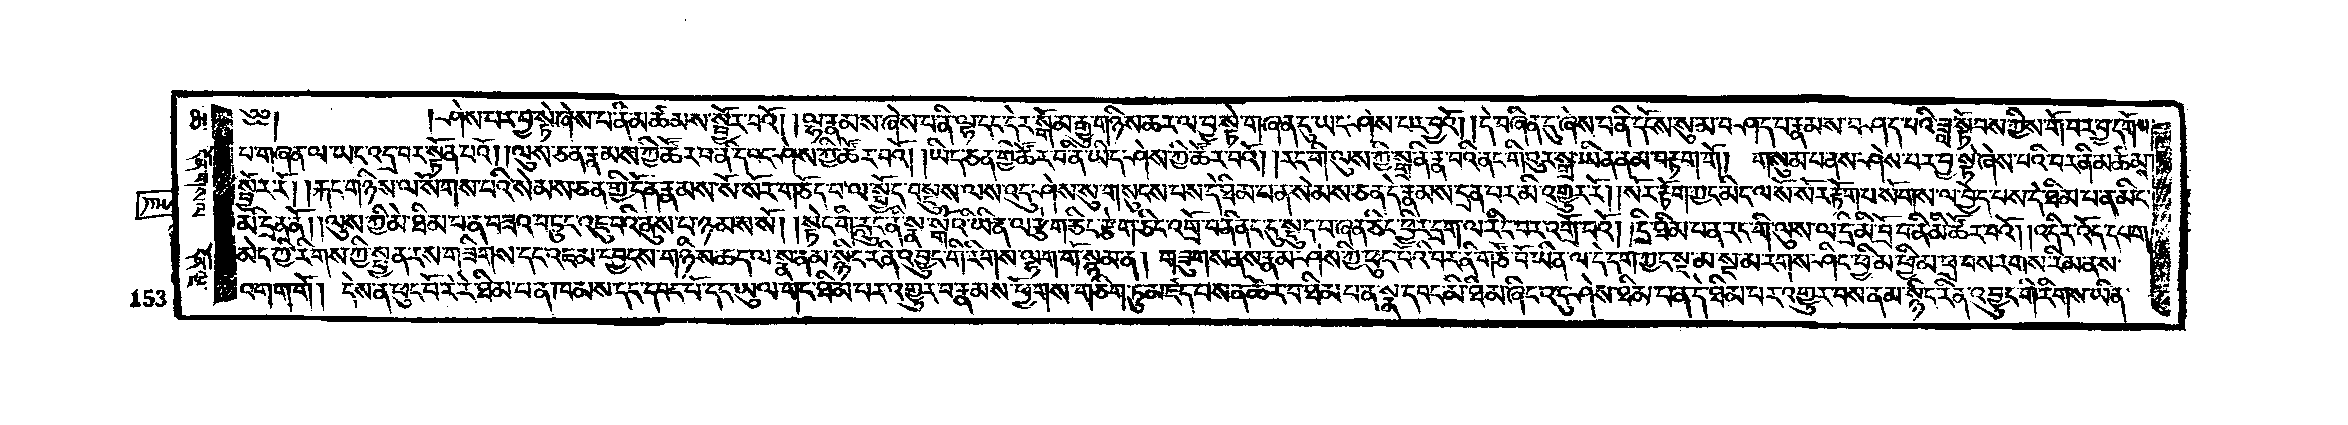༄༅། །ཤེས་པར་བྱ་སྟེ་ཞེས་པ་ནི་མཚམས་སྦྱོར་བའོ། །ལྷ་རྣམས་ཞེས་པ་ནི་ལྷ་དང་དེར་སྒོམ་རྒྱུ་གཉིས་ཆར་ལ་བྱ་སྟེ་གཞན་དུ་ཡང་ཤེས་པར་བྱའོ། །དེ་བཞིན་དུ་ཞེས་པ་ནི་དངོས་སུ་མ་བཤད་པ་རྣམས་བཤད་པའི་ཟླ་སྟོབས་ཀྱིས་གོ་བར་བྱ་དགོས་
པ་གཞན་ལ་ཡང་འདྲ་བར་སྟོན་པའོ། །ལུས་ཅན་རྣམས་ཀྱི་ཚོར་བ་ནི་དབང་ཤེས་ཀྱི་ཚོར་བའོ། །ཡིད་ཅན་གྱི་ཚོར་བ་ནི་ཡིད་ཤེས་ཀྱི་ཚོར་བའོ། །རང་གི་ལུས་ཀྱི་སྒྲ་ནི་རྣ་བའི་ནང་གི་འུར་སྒྲ་ཡིན་ནམ་བརྟག་གོ །གསུམ་པ་ནས་ཤེས་པར་བྱ་སྟེ་ཞེས་པའི་བར་ནི་མཚམས་
སྦྱོར་རོ། །རྐང་གཉིས་ལ་སོགས་པའི་སེམས་ཅན་གྱི་དོན་རྣམས་སོ་སོར་གཅོད་པ་ལ་སྤྱོད་བསྡུས་ལས་འདུ་ཤེས་སུ་གསུངས་པས་དེ་ཐིམ་པ་ན་སེམས་ཅན་དེ་རྣམས་དྲན་པར་མི་འགྱུར་རོ། །སོར་རྟོག་ཀྱང་མིང་ལ་སོ་སོར་རྟོག་པ་སོགས་ལ་བྱེད་པས་དེ་ཐིམ་པ་ན་མིང་
མི་དྲན་ནོ། །ལུས་ཀྱི་མེ་ཐིམ་པ་ན་བཟའ་བཏུང་འཇུ་བའི་ནུས་པ་ཉམས་སོ། །སྟེང་གི་རླུང་ནི་སྣ་སྒོའི་ཡིན་ལ་རྩེག་ཅིང་རྩེག་ཅིང་འགྲོ་བ་ནི་ནང་དུ་སྡུད་པ་ཞན་ཅིང་ཕྱིར་དྲག་ལ་རིང་བར་འགྲོ་བའོ། །དྲི་ཐིམ་པ་ན་རང་གི་ལུས་ལ་དྲི་མི་བྲོ་བ་ནི་མི་ཚོར་བའོ། །འདིར་འོད་དཔག་
མེད་ཀྱི་རིགས་ཀྱི་སྤྱན་རས་གཟིགས་དང་འཇམ་དབྱངས་གཉིས་ཆད་ལ་སྣ་ནམ་སྙིང་རིན་འབྱུང་གི་རིགས་ལྷག་གོ་སྙམ་ན། གཟུགས་ནས་རྣམ་ཤེས་ཀྱི་ཕུང་པོའི་བར་ནི་གཙོ་བོ་ཡིན་ལ་དེ་དག་ཀྱང་སྔ་མ་སྔ་མ་རགས་ཤིང་ཕྱི་མ་ཕྱི་མ་ཕྲ་བས་རགས་རིམ་ནས་
འགག་གོ །དེས་ན་ཕུང་པོ་རེ་རེ་ཐིམ་པ་ན་ཁམས་དང་དབང་པོ་དང་ཡུལ་གང་ཐིམ་པར་འགྱུར་བ་རྣམས་ཕྱོགས་གཅིག་ཏུ་མཛད་པས་ན་ཚེར་བ་ཐིམ་པ་ན་སྣ་དབང་མི་ཐིམ་ཞིང་འདུ་ཤེས་ཐིམ་པ་ན་དེ་ཐིམ་པར་འགྱུར་བས་ནམ་སྙིང་རིན་འབྱུང་གི་རིགས་ཡིན་